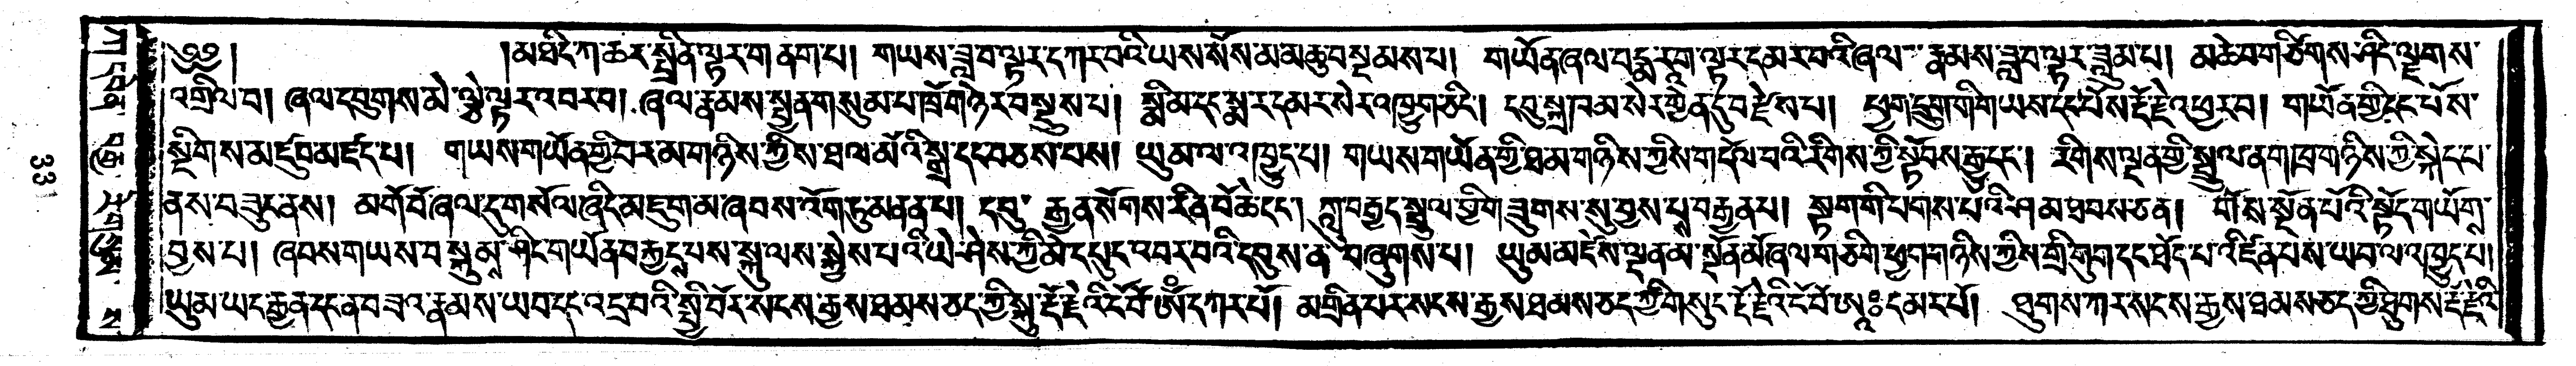༄༅། །མཐིང་ཀ་ཆར་སྤྲིན་ལྟར་གང་པ། གཡས་ཟླ་བ་ལྟར་དཀར་བའི་ཡས་སོས་མ་མཆུ་བསྡམས་པ། གཡོན་ཞལ་པདམ་རཱ་ག་ལྟར་དམར་བའི་ཞལ་རྣམས་ཟླ་བ་ལྟར་ཟླུམ་པ། མཆེ་བ་གཙིགས་ཤིང་ལྗགས་
འགྲིལ་བ། ཞལ་དབུགས་མེ་ལྕེ་ལྟར་འབར་བ། ཞལ་རྣམས་སྤྱན་གསུམ་པ་ཁྲོ་གཉེར་བསྡུས་པ། སྨི་མ་དང་སྨ་ར་དམར་སེར་འཁྱུག་ཅིང་། དབུ་སྐྲ་ཁམ་སེར་གྱེན་དུ་བརྫེས་པ། ཕྱག་དྲུག་གི་གཡས་དང་པོས་རྡོ་རྗེ་འཕྱར་བ། གཡོན་གྱི་དང་པོས་
སྡིགས་མཛུབ་མཛད་པ། གཡས་གཡོན་གྱི་བར་མ་གཉིས་ཀྱིས་ཐལ་མོའི་སྒྲ་དང་བཅས་པས། ཡུམ་ལ་འཁྱུད་པ། གཡས་གཡོན་གྱི་ཐ་མ་གཉིས་ཀྱིས་གདོལ་བའི་རིགས་ཀྱི་སྟོབས་རྒྱུ་དང་། རིགས་ལྡན་གྱི་སྤྲུལ་ནག་ཁྲ་གཉིས་ཀྱི་སྐེད་པ་
ནས་བཟུང་ནས། མགོ་བོ་ཞལ་དུ་གསོལ་ཞིང་མཇུག་མ་ཞབས་འོག་ཏུ་མནན་པ། དབུ་རྒྱན་སོགས་རིན་པོ་ཆེ་དང་། ཀླུ་བརྒྱད་སྦྲུལ་བྱི་གཟུགས་སུ་བྱས་པས་བརྒྱན་པ། སྟག་གི་པགས་པའི་ཤམ་ཐབས་ཅན། གོས་སྔོན་པོའི་སྟོད་གཡོགས་
བྱས་པ། ཞབས་གཡས་བསྐུམས་ཤིང་གཡོན་བརྐྱངས་པས་སྐུ་ལས་སྐྱེས་པའི་ཡེ་ཤེས་ཀྱི་མེ་དཔུང་འབར་བའི་དབུས་ན་བཞུགས་པ། ཡུམ་མཛེས་ལྡན་མ་སྔོན་མོ་ཞལ་གཅིག་ཕྱག་གཉིས་ཀྱིས་གྲི་གུག་དང་ཐོད་པ་འཛིན་པས་ཡབ་ལ་འཁྱུད་པ།
ཡུམ་ཡང་རྒྱན་དང་ན་བཟའ་རྣམས་ཡབ་དང་འདྲ་བའི་སྤྱི་བོར་སངས་རྒྱས་ཐམས་ཅད་ཀྱི་སྐུ་རྡོ་རྗེའི་ངོ་བོ་ཨོཾ་དཀར་པོ། མགྲིན་པར་སངས་རྒྱས་ཐམས་ཅད་ཀྱི་གསུང་རྡོ་རྗེའི་ངོ་བོ་ཨཱཿ དམར་པོ། ཐུགས་ཀར་སངས་རྒྱས་ཐམས་ཅད་ཀྱི་ཐུགས་རྡོ་རྗེའི་